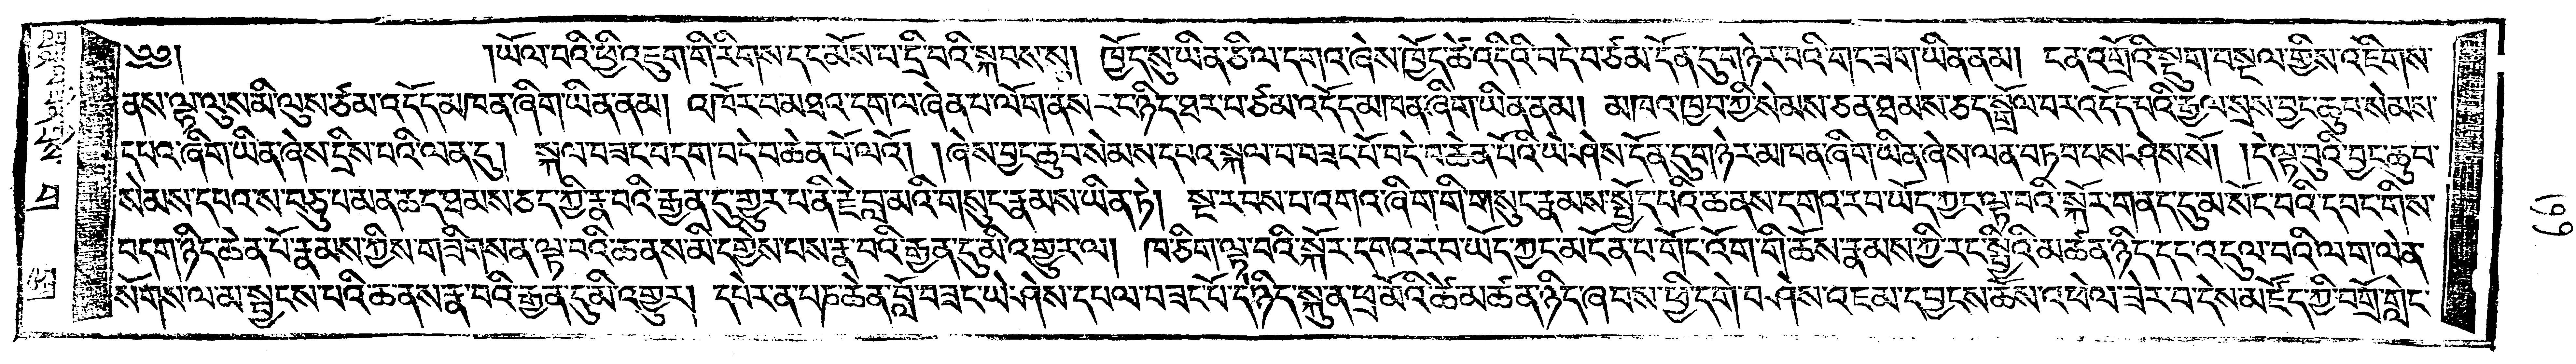༄༅། །ཡོལ་བའི་ཕྱི་འཇུག་གི་རིགས་དང་མོས་པ་དྲི་པའི་སྐབས་སུ། ཁྱོད་སུ་ཡིན་ཅི་ལ་དགའ་ཞེས་ཁྱོད་ཚེ་འདིའི་བདེ་བ་ཙམ་དོན་དུ་གཉེར་བའི་གང་ཟག་ཡིན་ནམ། ངན་འགྲོའི་སྡུག་བསྔལ་གྱིས་འཇིགས་
ནས་ལྷ་ལུས་མི་ལུས་ཙམ་འདོད་མཁན་ཞིག་ཡིན་ནམ། འཁོར་བ་མཐའ་དག་ལ་ཞེན་པ་ལོག་ནས་རང་ཉིད་ཐར་བ་ཙམ་འདོད་མཁན་ཞིག་ཡིན་ནམ། མཁའ་ཁྱབ་ཀྱི་སེམས་ཅན་ཐམས་ཅད་སྔོལ་བར་འདོད་པའི་རྒྱལ་སྲས་བྱང་ཆུབ་སེམས་
དཔའ་ཞིག་ཡིན་ཞེས་དྲིས་པའི་ལན་དུ། སྐལ་བཟང་བ་དག་བདེ་བ་ཆེན་པོ་ལའོ། །ཞེས་བྱང་ཆུབ་སེམས་དཔའ་སྐལ་བ་བཟང་པོ་བདེ་བ་ཆེན་པོའི་ཡེ་ཤེས་དོན་དུ་གཉེར་མཁན་ཞིག་ཡིན་ཞེས་ལན་བཏབ་པས་ཤེས་སོ། །དེ་ལྟ་བུའི་བྱང་ཆུབ་
སེམས་དཔའ་ས་བཅུ་བ་མན་ཆད་ཐམས་ཅད་ཀྱི་རྣ་བའི་རྒྱན་དུ་གྱུར་པ་ནི་རྗེ་བླ་མའི་གསུང་རྣམས་ཡིན་ཏེ། སྔ་རབས་པ་འགའ་ཞིག་གི་གསུང་རྣམས་སྤྱོད་པའི་ཆ་ནས་དགའ་རབ་ཡོད་ཀྱང་ལྟ་བའི་སྐོར་གནད་དུ་མ་སོང་བའི་དབང་གིས་
བདག་ཉིད་ཆེན་པོ་རྣམས་ཀྱིས་གཟིགས་ན་ལྟ་བའི་ཆ་ནས་མི་དགྱེས་པས་རྣ་བའི་རྒྱན་དུ་མི་འགྱུར་ལ། ཁ་ཅིག་ལྟ་བའི་སྐོར་དགའ་རབ་ཡོད་ཀྱང་མངོན་པ་གོང་འོག་གི་ཆོས་རྣམས་ཀྱི་རང་སྤྱིའི་མཚན་ཉིད་དང་འདུལ་བའི་ལག་ལེན་
སོགས་ལམ་སྦྱངས་པའི་ཆ་ནས་རྣ་བའི་རྒྱན་དུ་མི་འགྱུར། དཔེར་ན་པཎ་ཆེན་བློ་བཟང་ཡེ་ཤེས་དཔལ་བཟང་པོ་དེ་ཉིད་སྐུ་ན་ཕྲ་མོའི་ཚེ་མཚན་ཉིད་ཞབས་ཕྱི་དགེ་བཤེས་འཇམ་དབྱངས་ཆོས་འཕེལ་ཟེར་བ་དེས་མཛོད་ཀྱི་བགྲོ་གླེང་